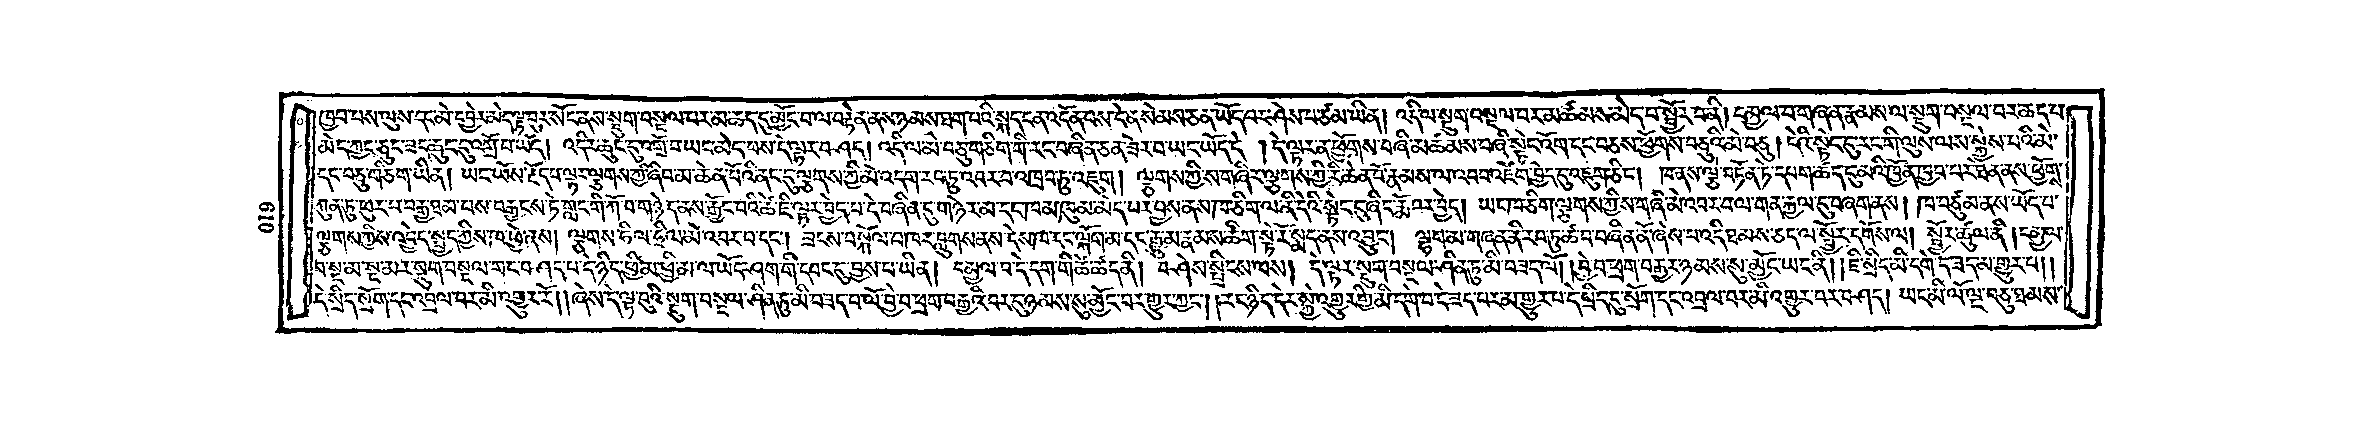ཁྱབ་པས་ལུས་དང་མེ་དབྱེར་མེད་ལྟ་བུར་སོང་ནས་སྡུག་བསྔལ་པར་མ་ཆད་དུ་མྱོང་བ་ལ་བརྟེན་ནས་ཉམས་ཐག་པའི་སྐད་ངན་འདོན་པས་དེ་ན་སེམས་ཅན་ཡོད་པར་ཤེས་པ་ཙམ་ཡིན། འདི་ལ་སྡུག་བསྔལ་བར་མཚམས་མེད་པ་སྦྱོར་བ་ནི། དམྱལ་བ་གཞན་རྣམས་ལ་སྡུག་བསྔལ་བར་ཆད་པ་
མེད་ཀྱང་ཅུང་ཟད་ཆུང་དུ་འགྲོ་བ་ཡོད། འདིར་ཆུང་དུ་འགྲོ་བ་ཡང་མེད་པས་དེ་ལྟར་བཤད། འདི་ལ་མེ་བཅུ་གཅིག་གི་རང་བཞིན་ཅན་ཟེར་བ་ཡང་ཡོད་དེ། དེ་ལྟར་ན་ཕྱོགས་བཞི་མཚམས་བཞི་སྟེང་འོག་དང་བཅས་ཕྱོགས་བཅུའི་མེ་བཅུ། དེའི་སྟེང་དུ་རང་གི་ལུས་ལས་སྐྱེས་པའི་མེ་
དང་བཅུ་གཅིག་ཡིན། ཡང་ཡོས་རྔོད་པ་ལྟར་ལྕགས་ཀྱི་ཞིབ་མ་ཆེན་པོའི་ནང་དུ་ལྕགས་ཀྱི་མེ་འདག་རབ་ཏུ་འབར་བ་འཁྲབ་ཏུ་འཇུག །ལྕགས་ཀྱི་ས་གཞིར་ལྕགས་ཀྱི་རི་ཆེན་པོ་རྣམས་ལ་འབབ་འཛེག་བྱེད་དུ་འཇུག་ཅིང་། ཁ་ནས་ལྕེ་བཏོན་ཏེ་དཔག་ཚད་དུ་མའི་ཁྱོན་ཁྱབ་པར་ཐེན་ནས་ཕྱོགས་
ཀུན་ཏུ་ཕུར་པ་བརྒྱ་ཐམ་པས་བརྒྱངས་ཏེ་གླང་གི་ཀོ་བ་གཉེད་ནས་རྒྱོང་བའི་ཚེ་ཇི་ལྟར་བྱེད་པ་དེ་བཞིན་དུ་གཉེར་མ་དང་ཁམ་ཁུམ་མེད་པར་བྱས་ནས་ཁ་ཅིག་ལ་ནི་དེའི་སྟེང་དུ་ཞིང་རྨོ་བར་བྱེད། ཡང་ཁ་ཅིག་ལྕགས་ཀྱི་ས་གཞི་མེ་འབར་བ་ལ་གན་རྐྱལ་དུ་བཞག་ནས། ཁ་བཙུམ་ནས་ཡོད་པ་
ལྕགས་ཀྱིས་འབྱེད་སྤྱད་ཀྱིས་ཁ་ཕྱེ་ནས། ལྕགས་ཧྲིལ་ཧྲིལ་མེ་འབར་བ་དང་། ཟངས་བསྐོལ་བ་ཁར་བླུགས་ནས་དེས་ཁ་དང་ལྐོག་མ་དང་རྒྱུ་མ་རྣམས་ཆིག་སྟེ་རོ་སྨད་ནས་འབྱུང་། ལྷག་མ་གཞན་ནི་རབ་ཏུ་ཚ་བ་བཞིན་ནོ་ཞེས་པ་འདི་ཐམས་ཅད་ལ་སྦྱོར་དགོས་ལ། སྦྱོར་ཚུལ་ནི། དམྱལ་
བ་སྔ་མ་སྔ་མར་སྡུག་བསྔལ་གང་བཤད་པ་དེ་ཉིད་ཕྱི་མ་ཕྱི་མ་ལ་ཡོད་ཤག་གི་དབང་དུ་བྱས་པ་ཡིན། དམྱལ་བ་དེ་དག་གི་ཚེ་ཚད་ནི། བཤེས་སྤྲིངས་ལས། དེ་ལྟར་སྡུག་བསྔལ་ཤིན་ཏུ་མི་བཟད་ལོ། །བྱེ་བ་ཕྲག་བརྒྱར་ཉམས་སུ་མྱོང་ཡང་ནི། །ཇི་སྲིད་མི་དགེ་ད་ཟད་མ་གྱུར་པ། །
དེ་སྲིད་སྲོག་དང་འབྲལ་བར་མི་འགྱུར་རོ། །ཞེས་དེ་ལྟ་བུའི་སྡུག་བསྔལ་ཤིན་ཏུ་མི་བཟད་པ་ལོ་བྱེ་བ་ཕྲག་བརྒྱའི་བར་དུ་ཉམས་སུ་མྱོང་བར་གྱུར་ཀྱང་། །རང་ཉིད་དེར་སྐྱེ་འགྱུར་གྱི་མི་དགེ་བ་དེ་ཟད་པར་མ་གྱུར་པ་དེ་སྲིད་དུ་སྲོག་དང་འབྲལ་བར་མི་འགྱུར་བར་བཤད། ཡང་མི་ལོ་ལྔ་བཅུ་ཐམས་